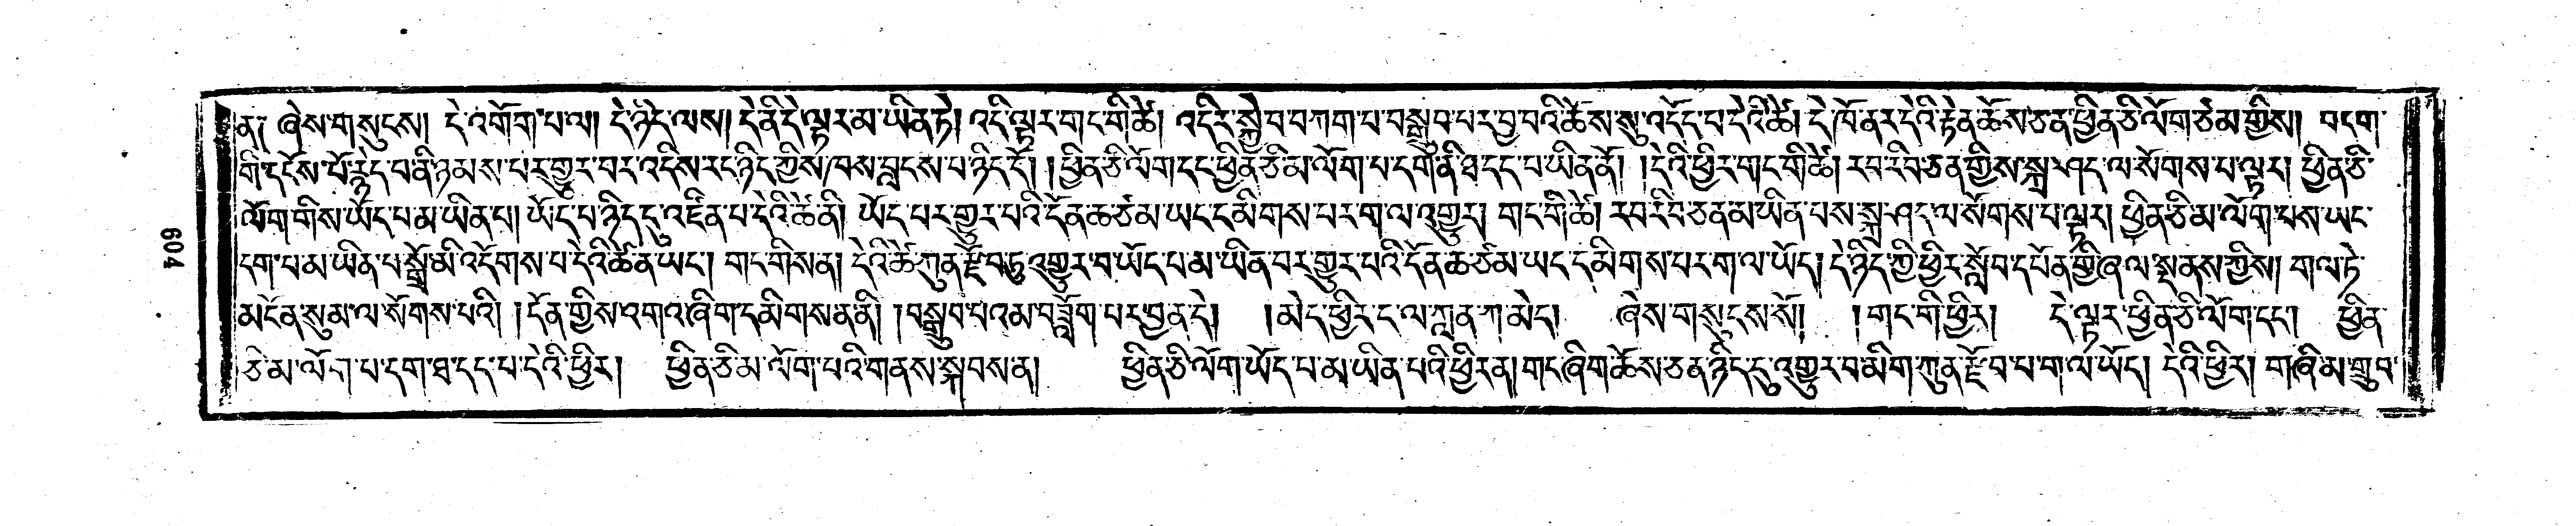ན༑ ཞེས་གསུངས། དེ་འགོག་པ་ལ། དེ་ཉིད་ལས། དེ་ནི་དེ་ལྟར་མ་ཡིན་ཏེ། འདི་ལྟར་གང་གི་ཚེ། འདིར་སྐྱེ་བ་བཀག་པ་བསྒྲུབ་པར་བྱ་བའི་ཆོས་སུ་འདོད་པ་དེའི་ཚེ། དེ་ཁོ་ནར་དེའི་རྟེན་ཆོས་ཅན་ཕྱིན་ཅི་ལོག་ཙམ་གྱིས། བདག་
གི་དངོས་པོ་རྙེད་པ་ནི་ཉམས་པར་གྱུར་པར་འདིས་རང་ཉིད་ཀྱིས་ཁས་བླངས་པ་ཉིད་དོ། །ཕྱིན་ཅི་ལོག་དང་ཕྱིན་ཅི་མ་ལོག་པ་དག་ནི་ཐ་དད་པ་ཡིན་ནོ། །དེའི་ཕྱིར་གང་གི་ཚེ། རབ་རིབ་ཅན་གྱིས་སྐྲ་ཤད་ལ་སོགས་པ་ལྟར། ཕྱིན་ཅི་
ལོག་གིས་ཡོད་པ་མ་ཡིན་པ། ཡོད་པ་ཉིད་དུ་འཛིན་པ་དེའི་ཚེ་ནི། ཡོད་པར་གྱུར་པའི་དོན་ཆ་ཙམ་ཡང་དམིགས་པར་ག་ལ་འགྱུར། གང་གི་ཚེ། རབ་རིབ་ཅན་མ་ཡིན་པས་སྐྲ་ཤད་ལ་སོགས་པ་ལྟར། ཕྱིན་ཅི་མ་ལོག་པས་ཡང་
དག་པ་མ་ཡིན་པ་སྒྲོ་མི་འདོགས་པ་དེའི་ཚེ་ན་ཡང་། གང་གིས་ན། དེའི་ཚེ་ཀུན་རྫོབ་ཏུ་འགྱུར་བ་ཡོད་པ་མ་ཡིན་པར་གྱུར་པའི་དོན་ཆ་ཙམ་ཡང་དམིགས་པར་ག་ལ་ཡོད། དེ་ཉིད་ཀྱི་ཕྱིར་སློབ་དཔོན་གྱི་ཞལ་སྔ་ནས་ཀྱིས། གལ་ཏེ་
མངོན་སུམ་ལ་སོགས་པའི། །དོན་གྱིས་འགའ་ཞིག་དམིགས་ན་ནི། །བསྒྲུབ་པའམ་བཟློག་པར་བྱ་ན་དེ། །མེད་ཕྱིར་ང་ལ་ཀླན་ཀ་མེད། ཞེས་གསུངས་སོ། །གང་གི་ཕྱིར། དེ་ལྟར་ཕྱིན་ཅི་ལོག་དང་། ཕྱིན་
ཅི་མ་ལོག་པ་དག་ཐ་དད་པ་དེའི་ཕྱིར། ཕྱིན་ཅི་མ་ལོག་པའི་གནས་སྐབས་ན། ཕྱིན་ཅི་ལོག་ཡོད་པ་མ་ཡིན་པའི་ཕྱིར་ན། གང་ཞིག་ཆོས་ཅན་ཉིད་དུ་འགྱུར་བ་མིག་ཀུན་རྫོབ་པ་ག་ལ་ཡོད། དེའི་ཕྱིར། གཞི་མ་གྲུབ་